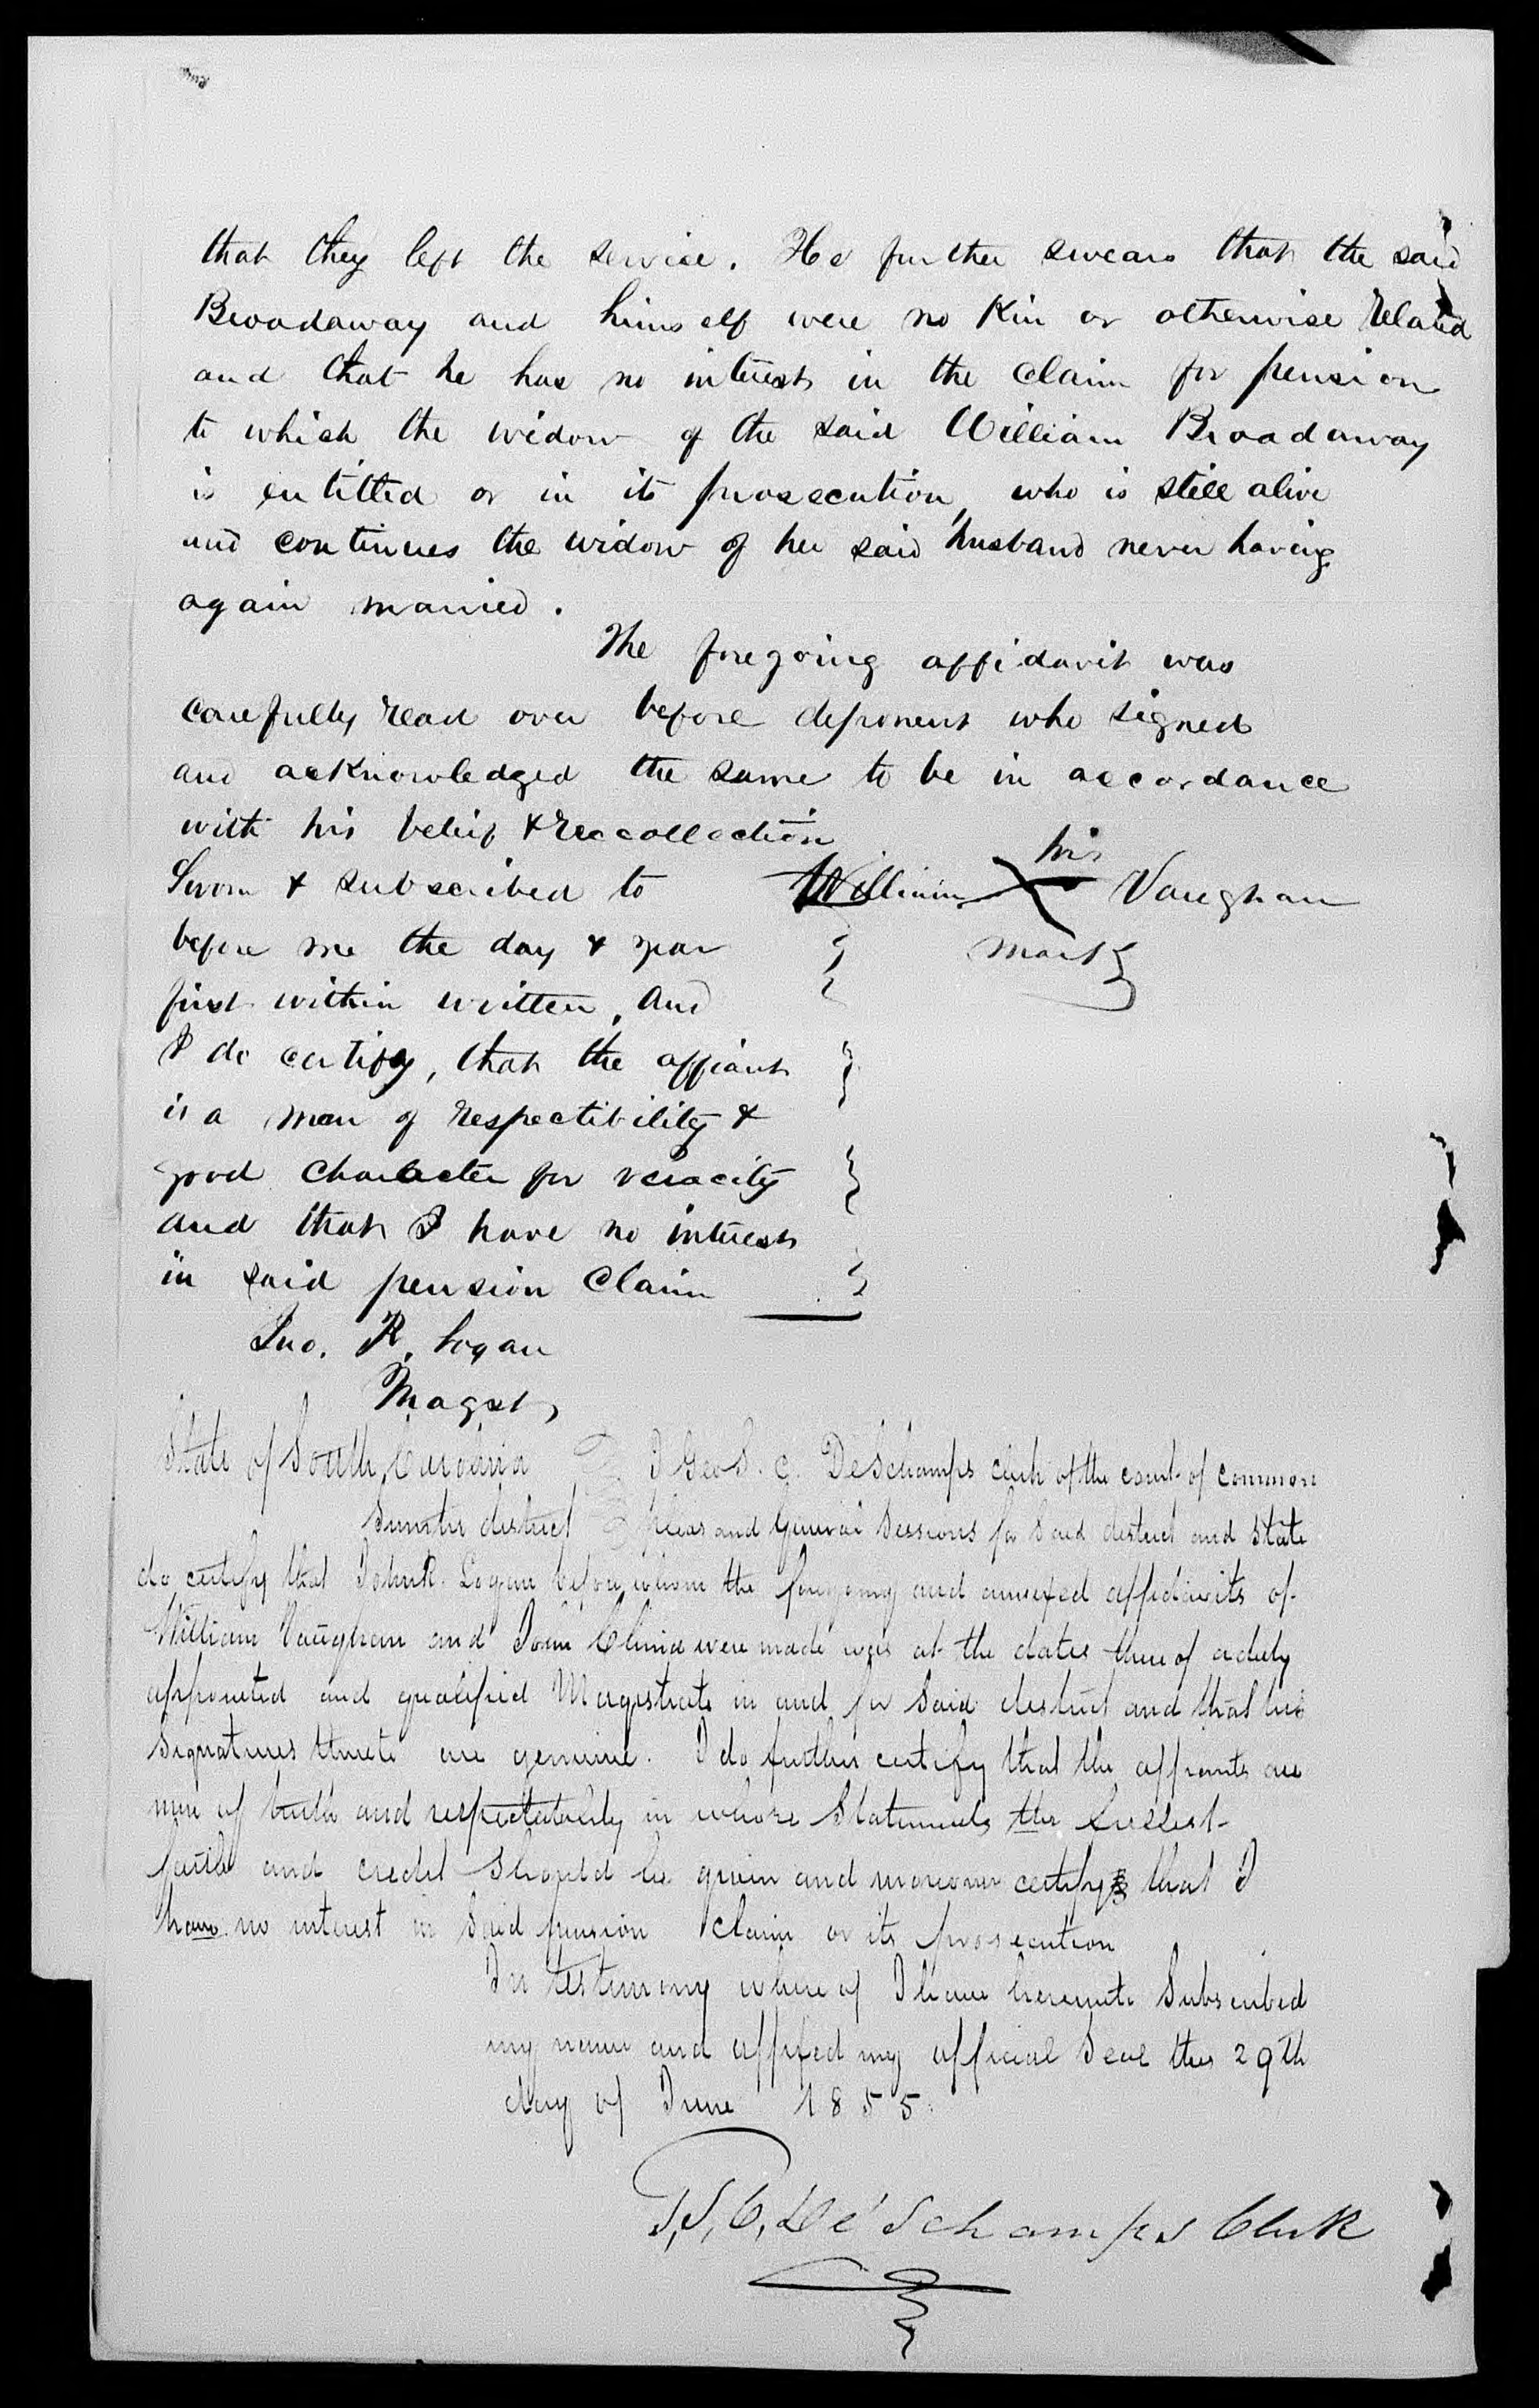that they left the service. He further swears that the said Broadaway and himself were no kin or otherwise related and that he has no interest in the claim for pension to which the widow of the said William Broadaway is entitled or in its prosecution, who is still alive and continues the widow of her said husband never having again married.
The foregoing affidavit was carefully read over before deponent who signed and acknowledged the same to be in accordance with his belief + recollection.
William Vaughan (his x mark)
Sworn + subscribed to before me the day + year first within written, and I do certify, that the affiant is a man of respectability + good character for veracity and that I have no interest in said pension claim
Jno R Logan
Magst

State of South Carolina}
Sumter district} I, Geo S C DeSchamps clerk of the court of common pleas and General Sessions for Said district and State do certify that John R Logan before whom the foregoing and annexed affidavits of William Vaughan and John China were made was at the date thereof a duly appointed and qualified Magistrate in and for Said district and that his Signatures thereto are genuine. I do further certify that the affiants are men of truth and respectability in whose Statements the fullest faith and credit Should be given and moreover certify that I have no interest in Said pension claim or its prosecution
In testimony whereof I have hereunto Subscribed my name and affixed my official Seal this 29th day of June 1855.
T S G DeSchamps Clerk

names: William Vaughan, T S C De'Schamps, Broadaway, Jno R Logan, John R Logan, William Broadaway, Geo S C, William Vaughan, John China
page: 93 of 98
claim: widow's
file: W. 8398, William Broadway, S.C.